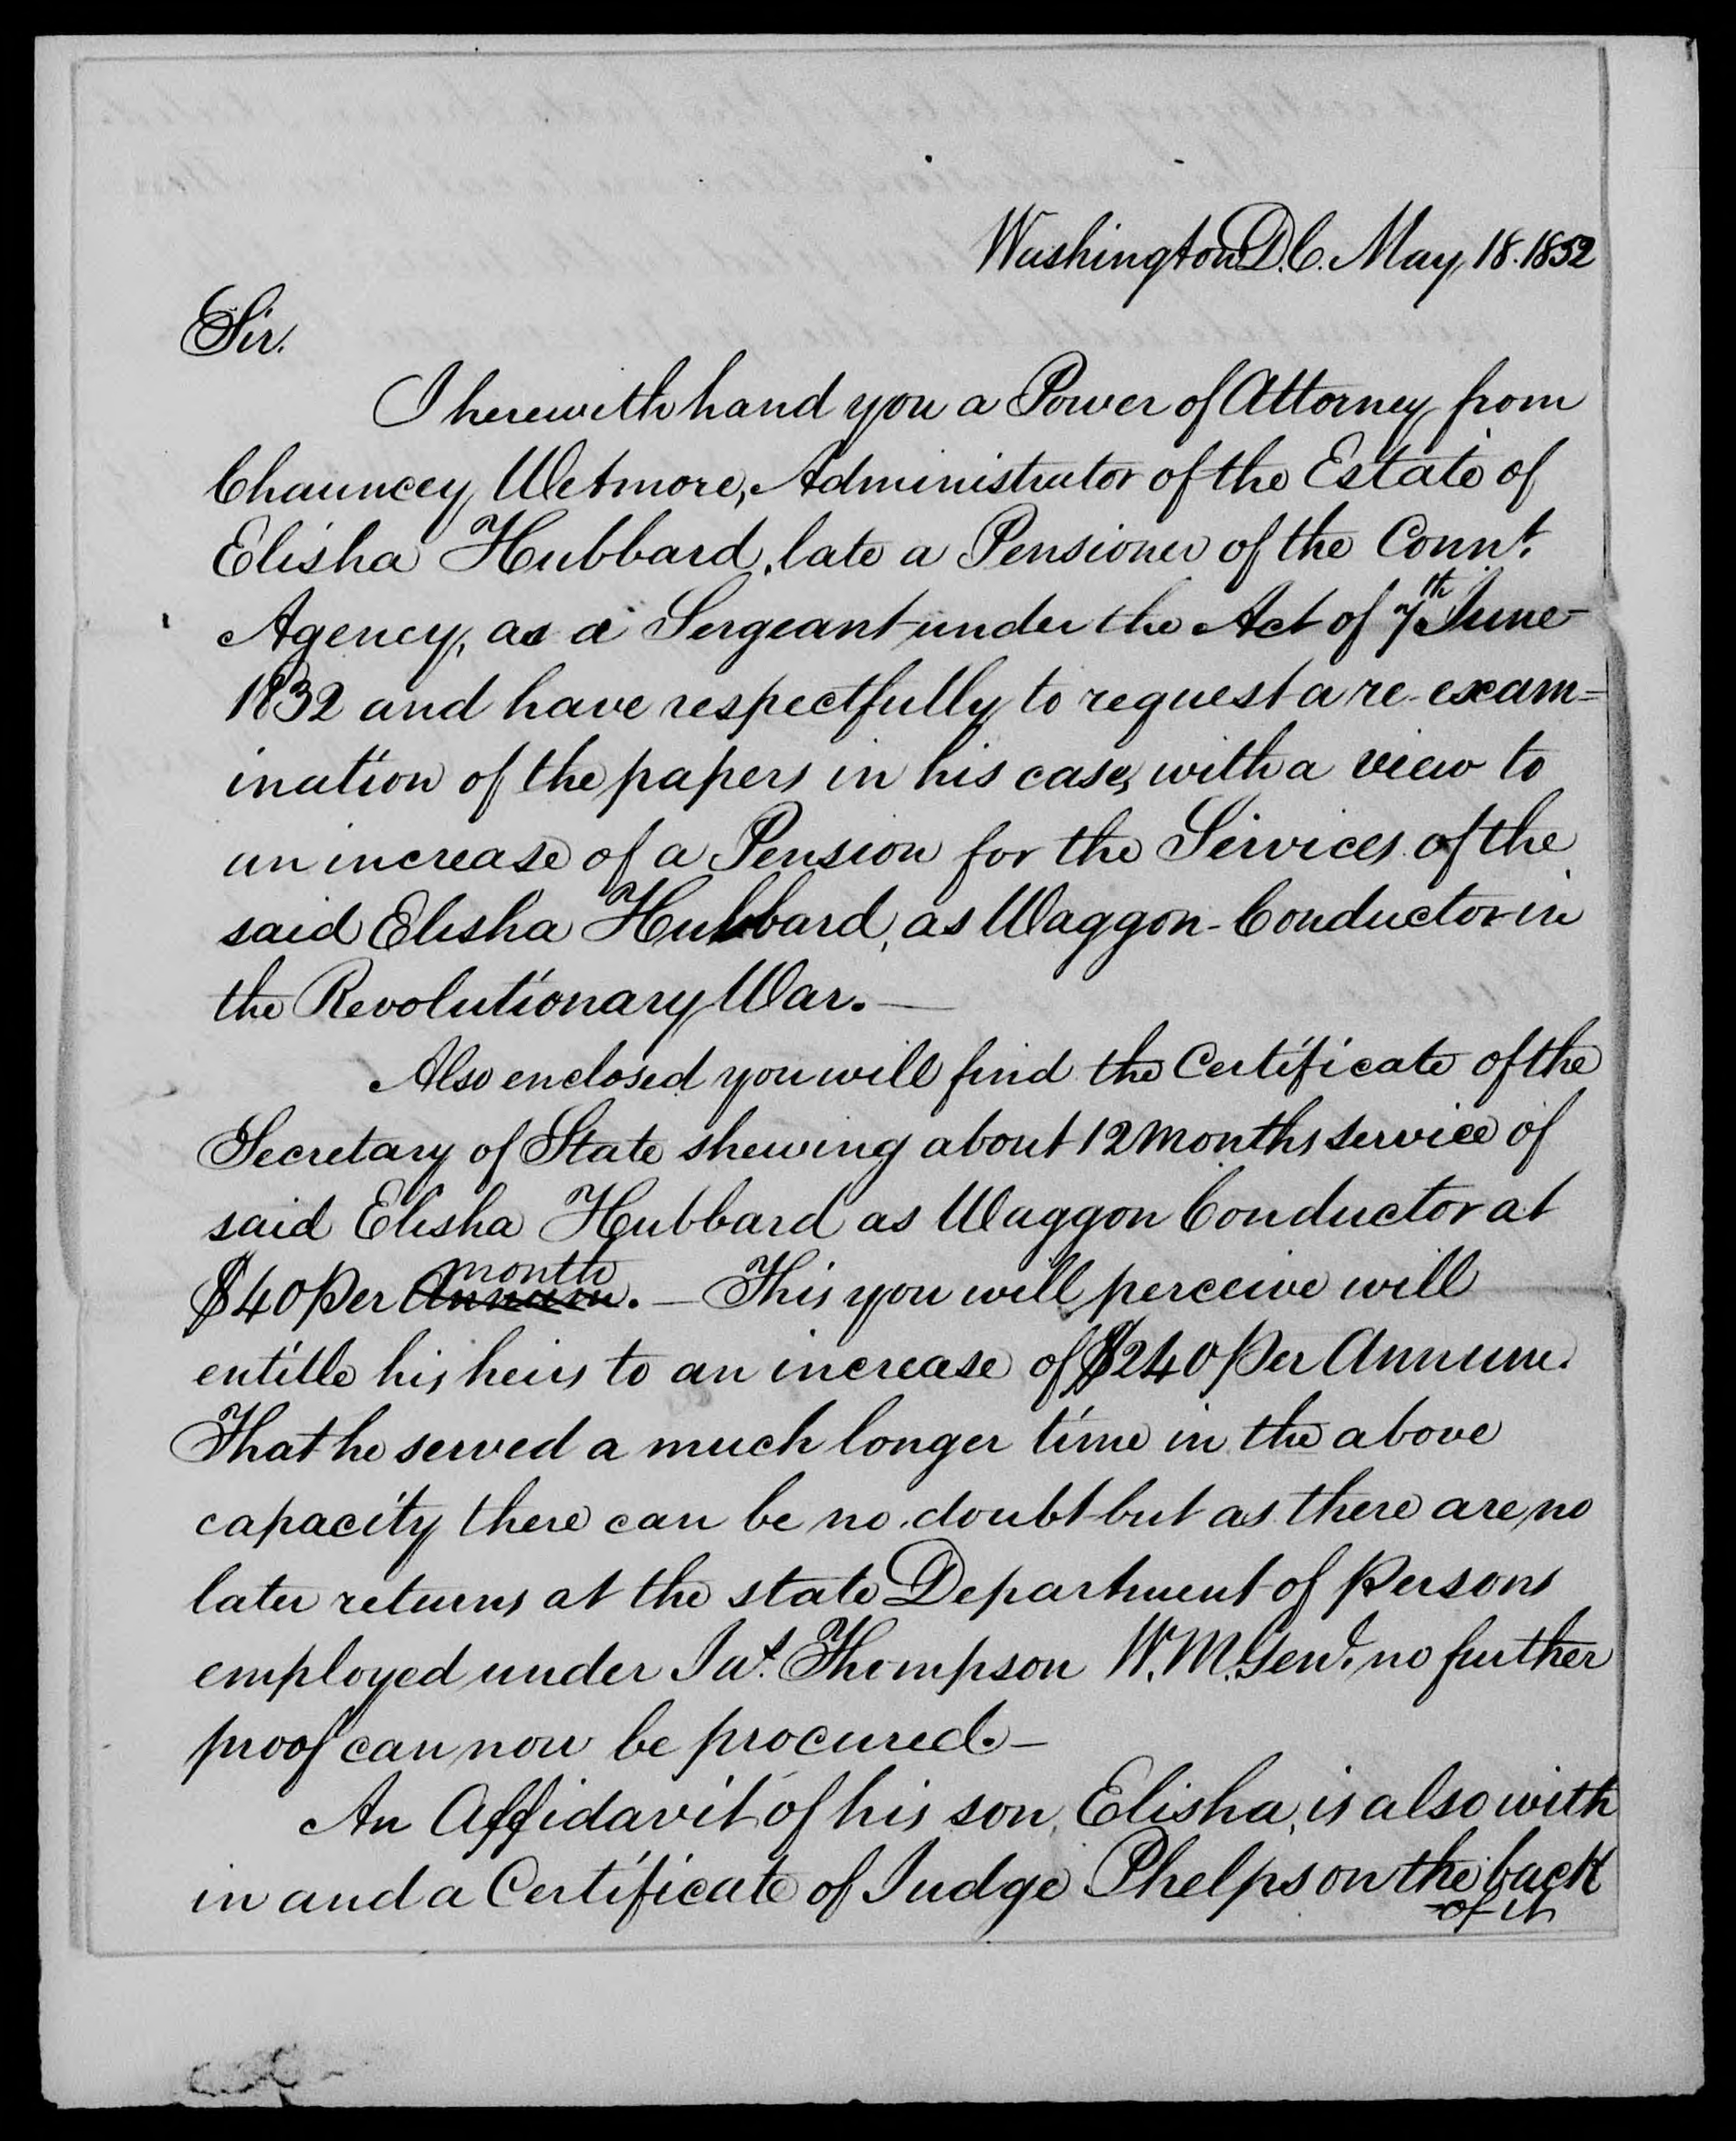Washington D. C May 18 1852

Sir.

I herewith hand you a Power of Attorney from Chauncey Wetmore, Administator of the estate of Elisha Hubbard, late a Pensioner of the Cnnt. Agency, as a Sergeant under the Act of 7th June 1832 and have respectully to request a re-examination of the papers in his case, with a view to an increase of a Pension for the Services of the said Elisha Hubbard, as Waggon-Conductor in the Revolutionary War. 

Also enclosed you will find the Certificate of the Secretary of State shewing about 12 months service of said Elisha Hubbard as Waggon Conductor at $40 per month.  This you will perceive will entitle his heirs to an increase of $240 per annum.  That he served a much longer time in the above capacity there can be no doubt but as there are no later returns at the state Department of Persons employed under (?) Thompson W.M. Genl. no further proof can now be procured.

An Affidavit of his son Elisha, is also with in and a Certificate of Judge Phelps on the back of it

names: Chauncey Wetmore, Phelps, Elisha Hubbard, Jas Thompson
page: 57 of 63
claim: survivor's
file: S. 18457, Elisha Hubbard, Conn. Continental